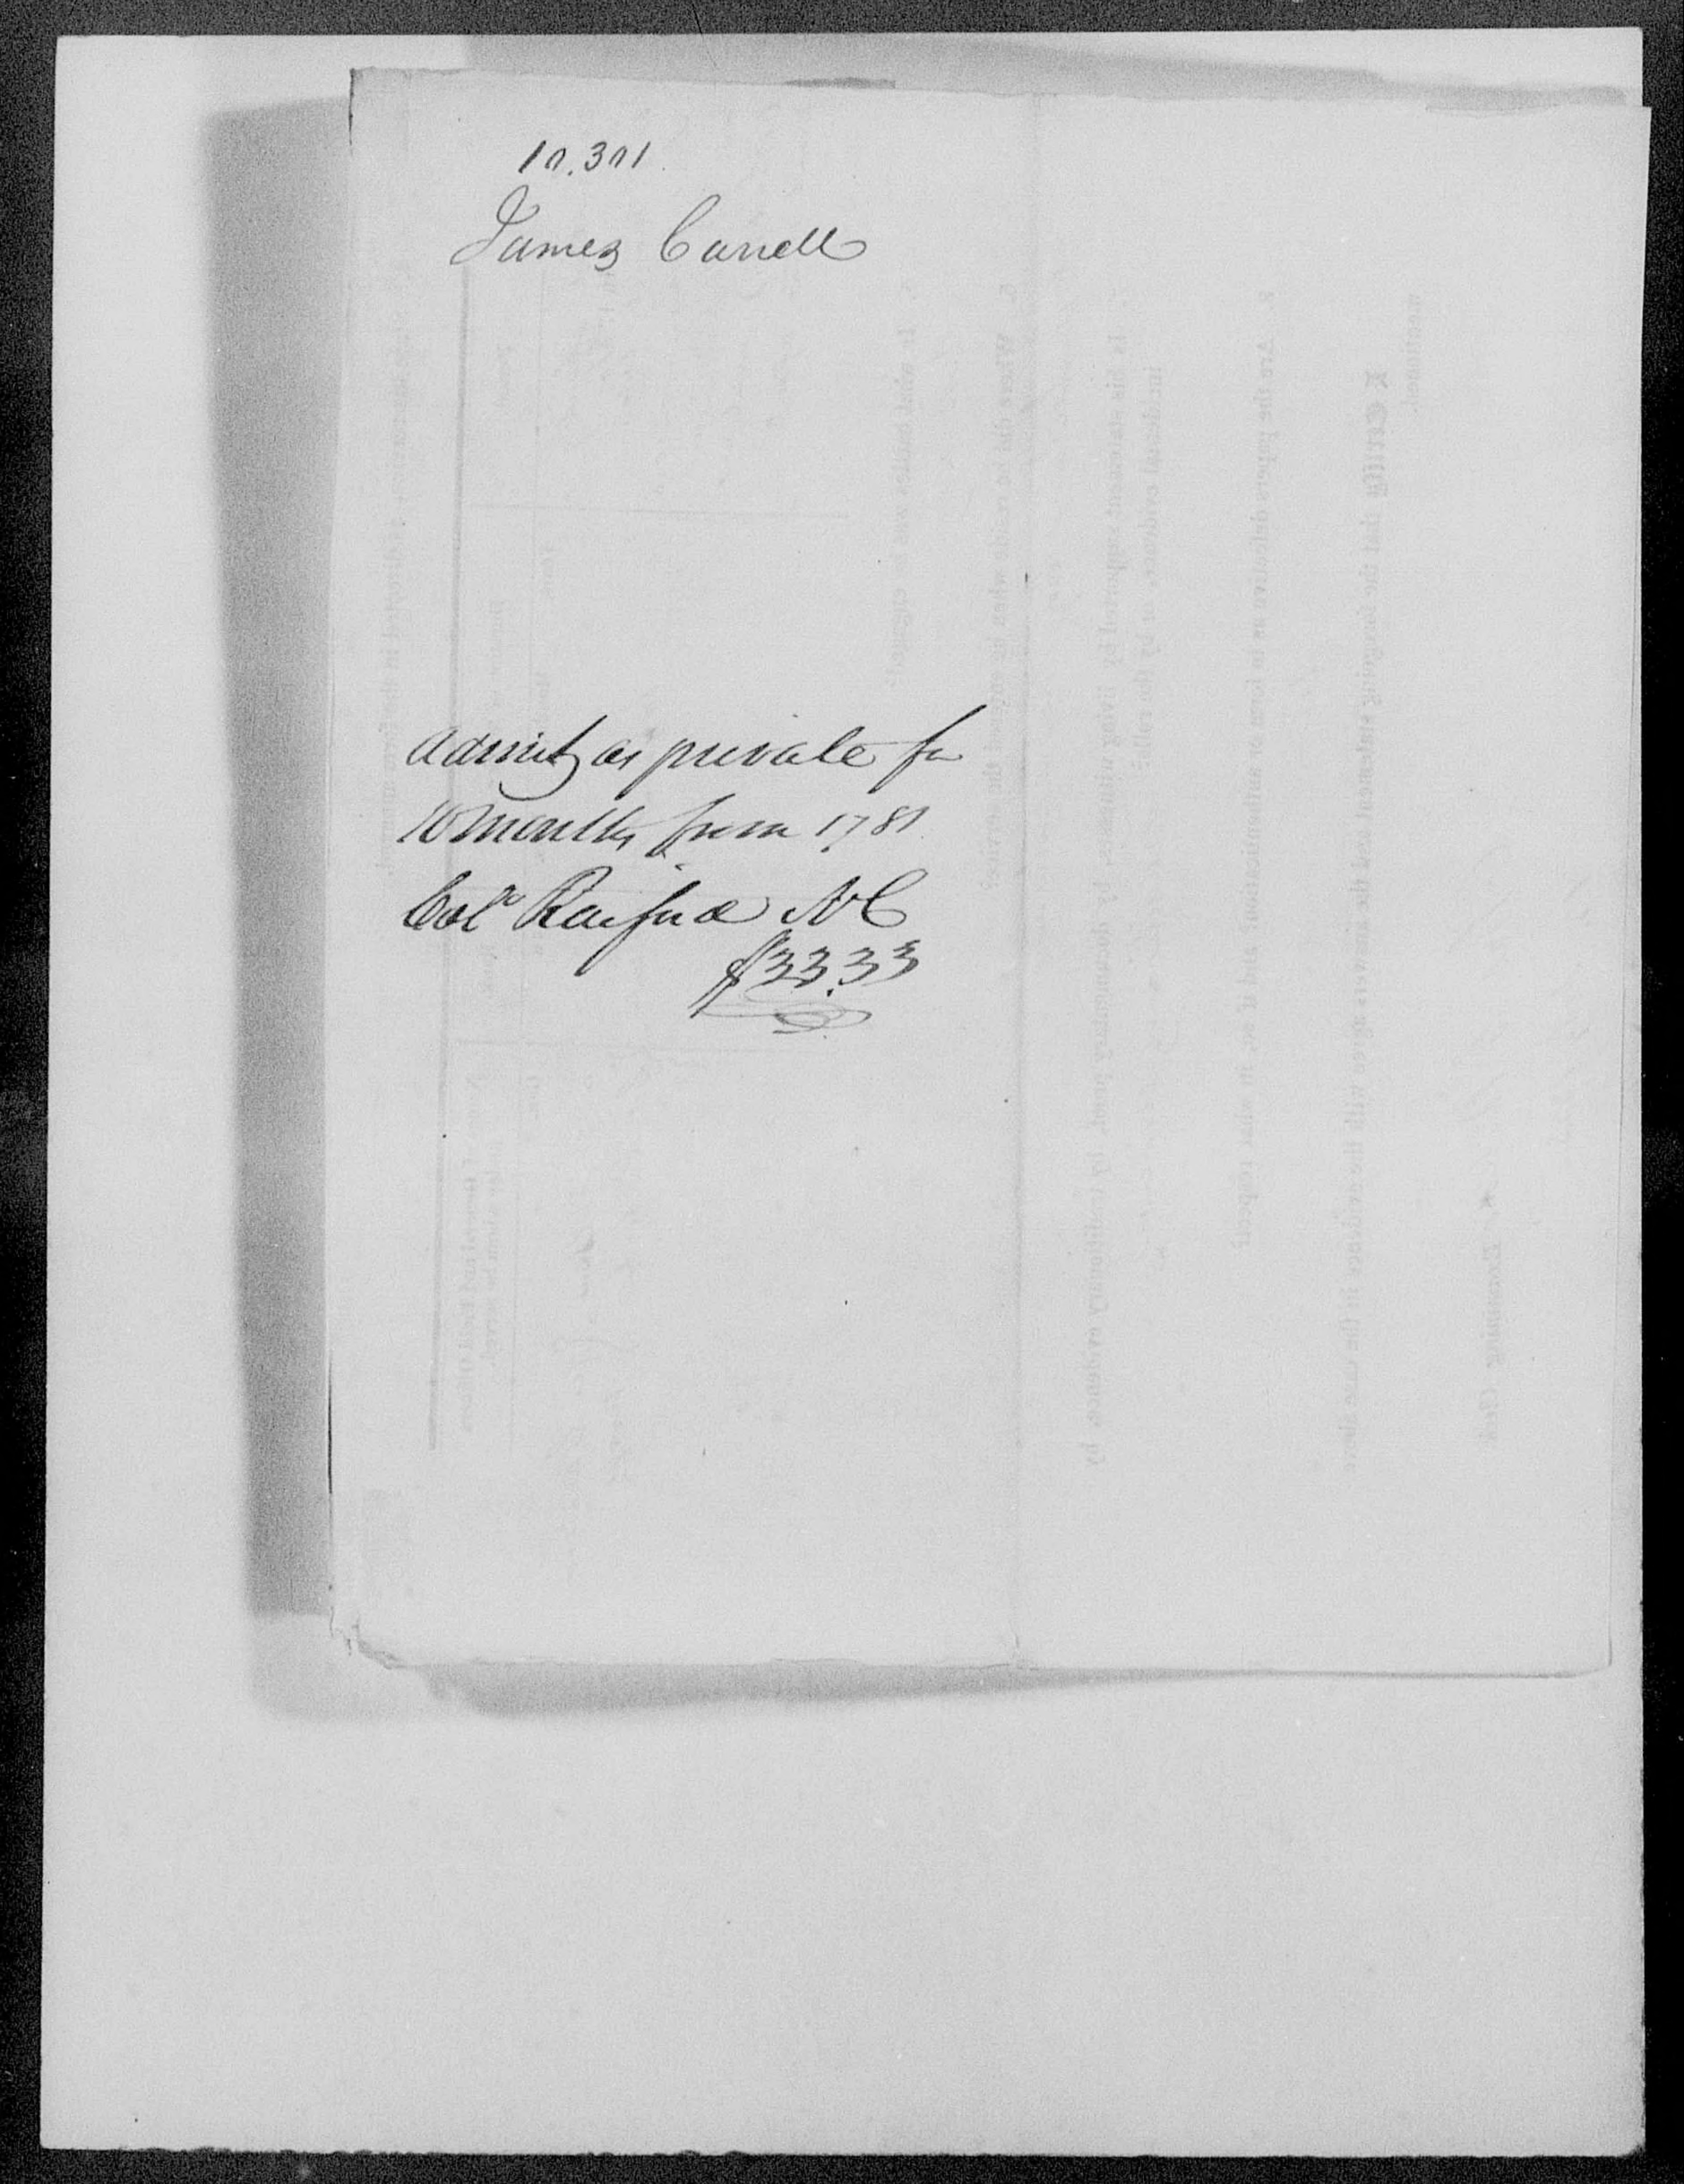10.301
James Carrell


Admit as private for 
10 months from 1781
Col Raiford NC
$33.33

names: James Carrell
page: 8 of 86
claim: widow's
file: W. 6899, James Carrell, N.C.